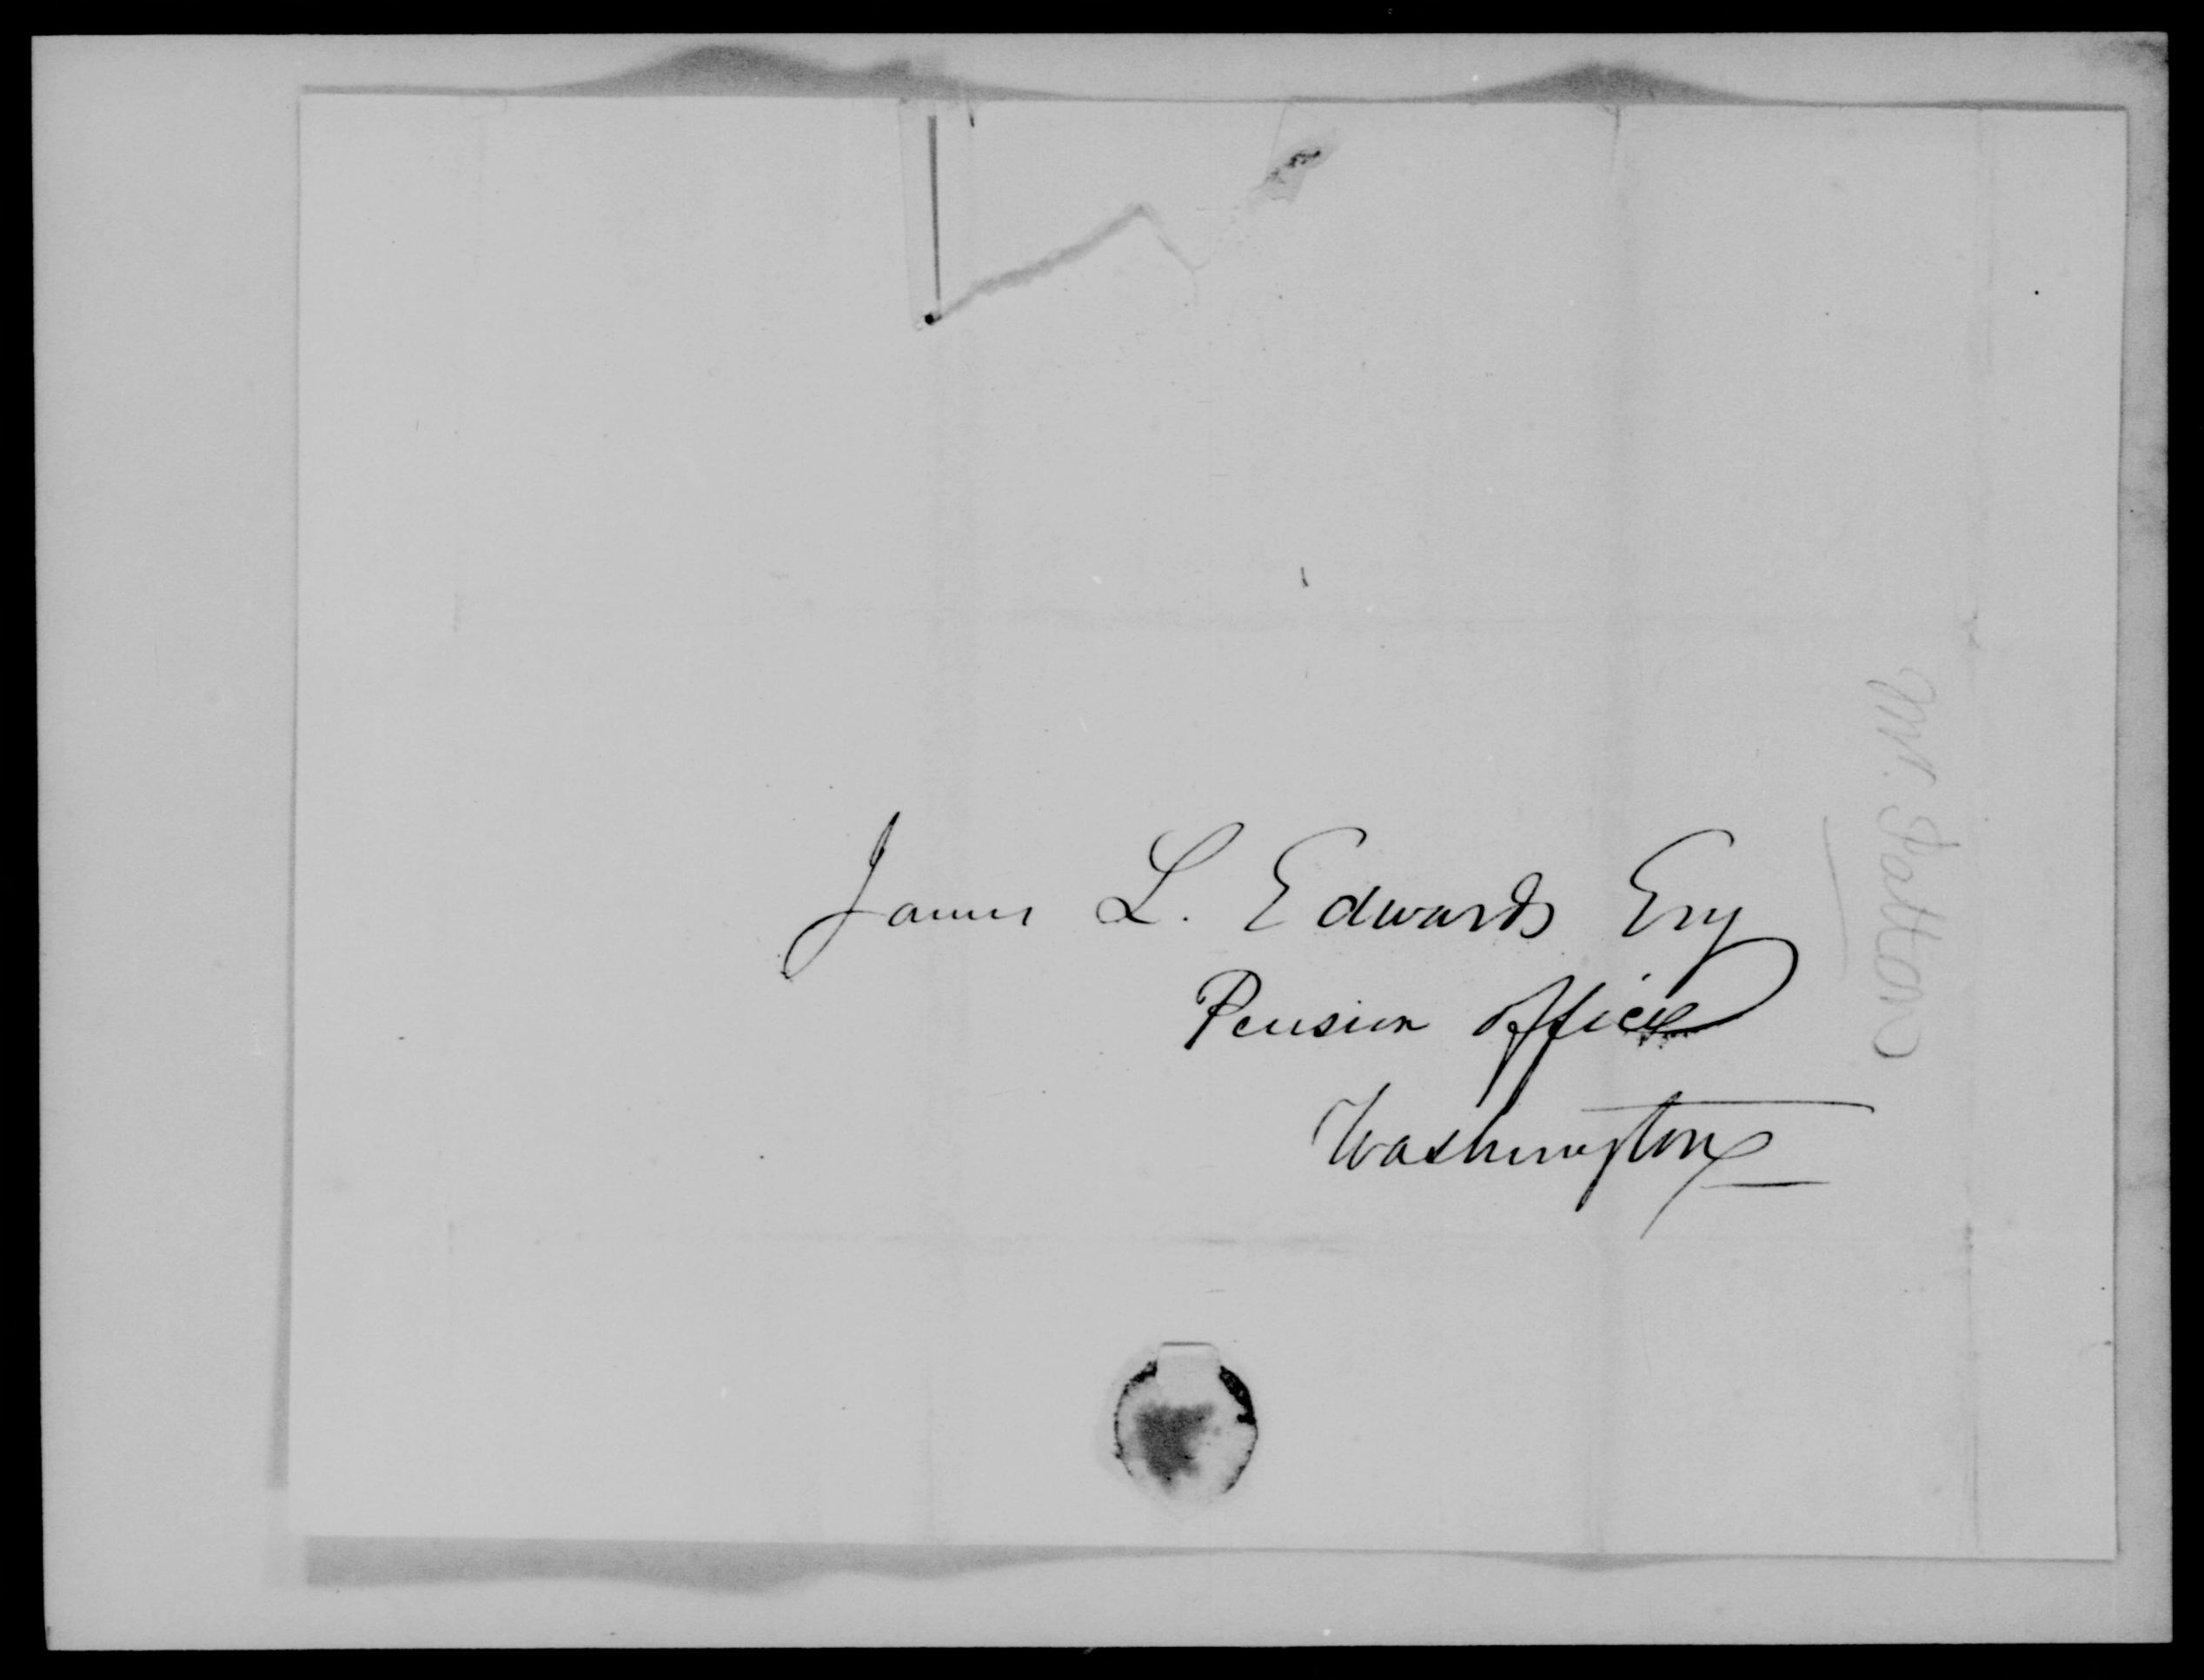James L. Edwards Esq
Pension Office
Washington 
Mr. Patton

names: James L Edwards, Patton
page: 10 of 13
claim: survivor's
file: S. 7764, William Tucker, Va.